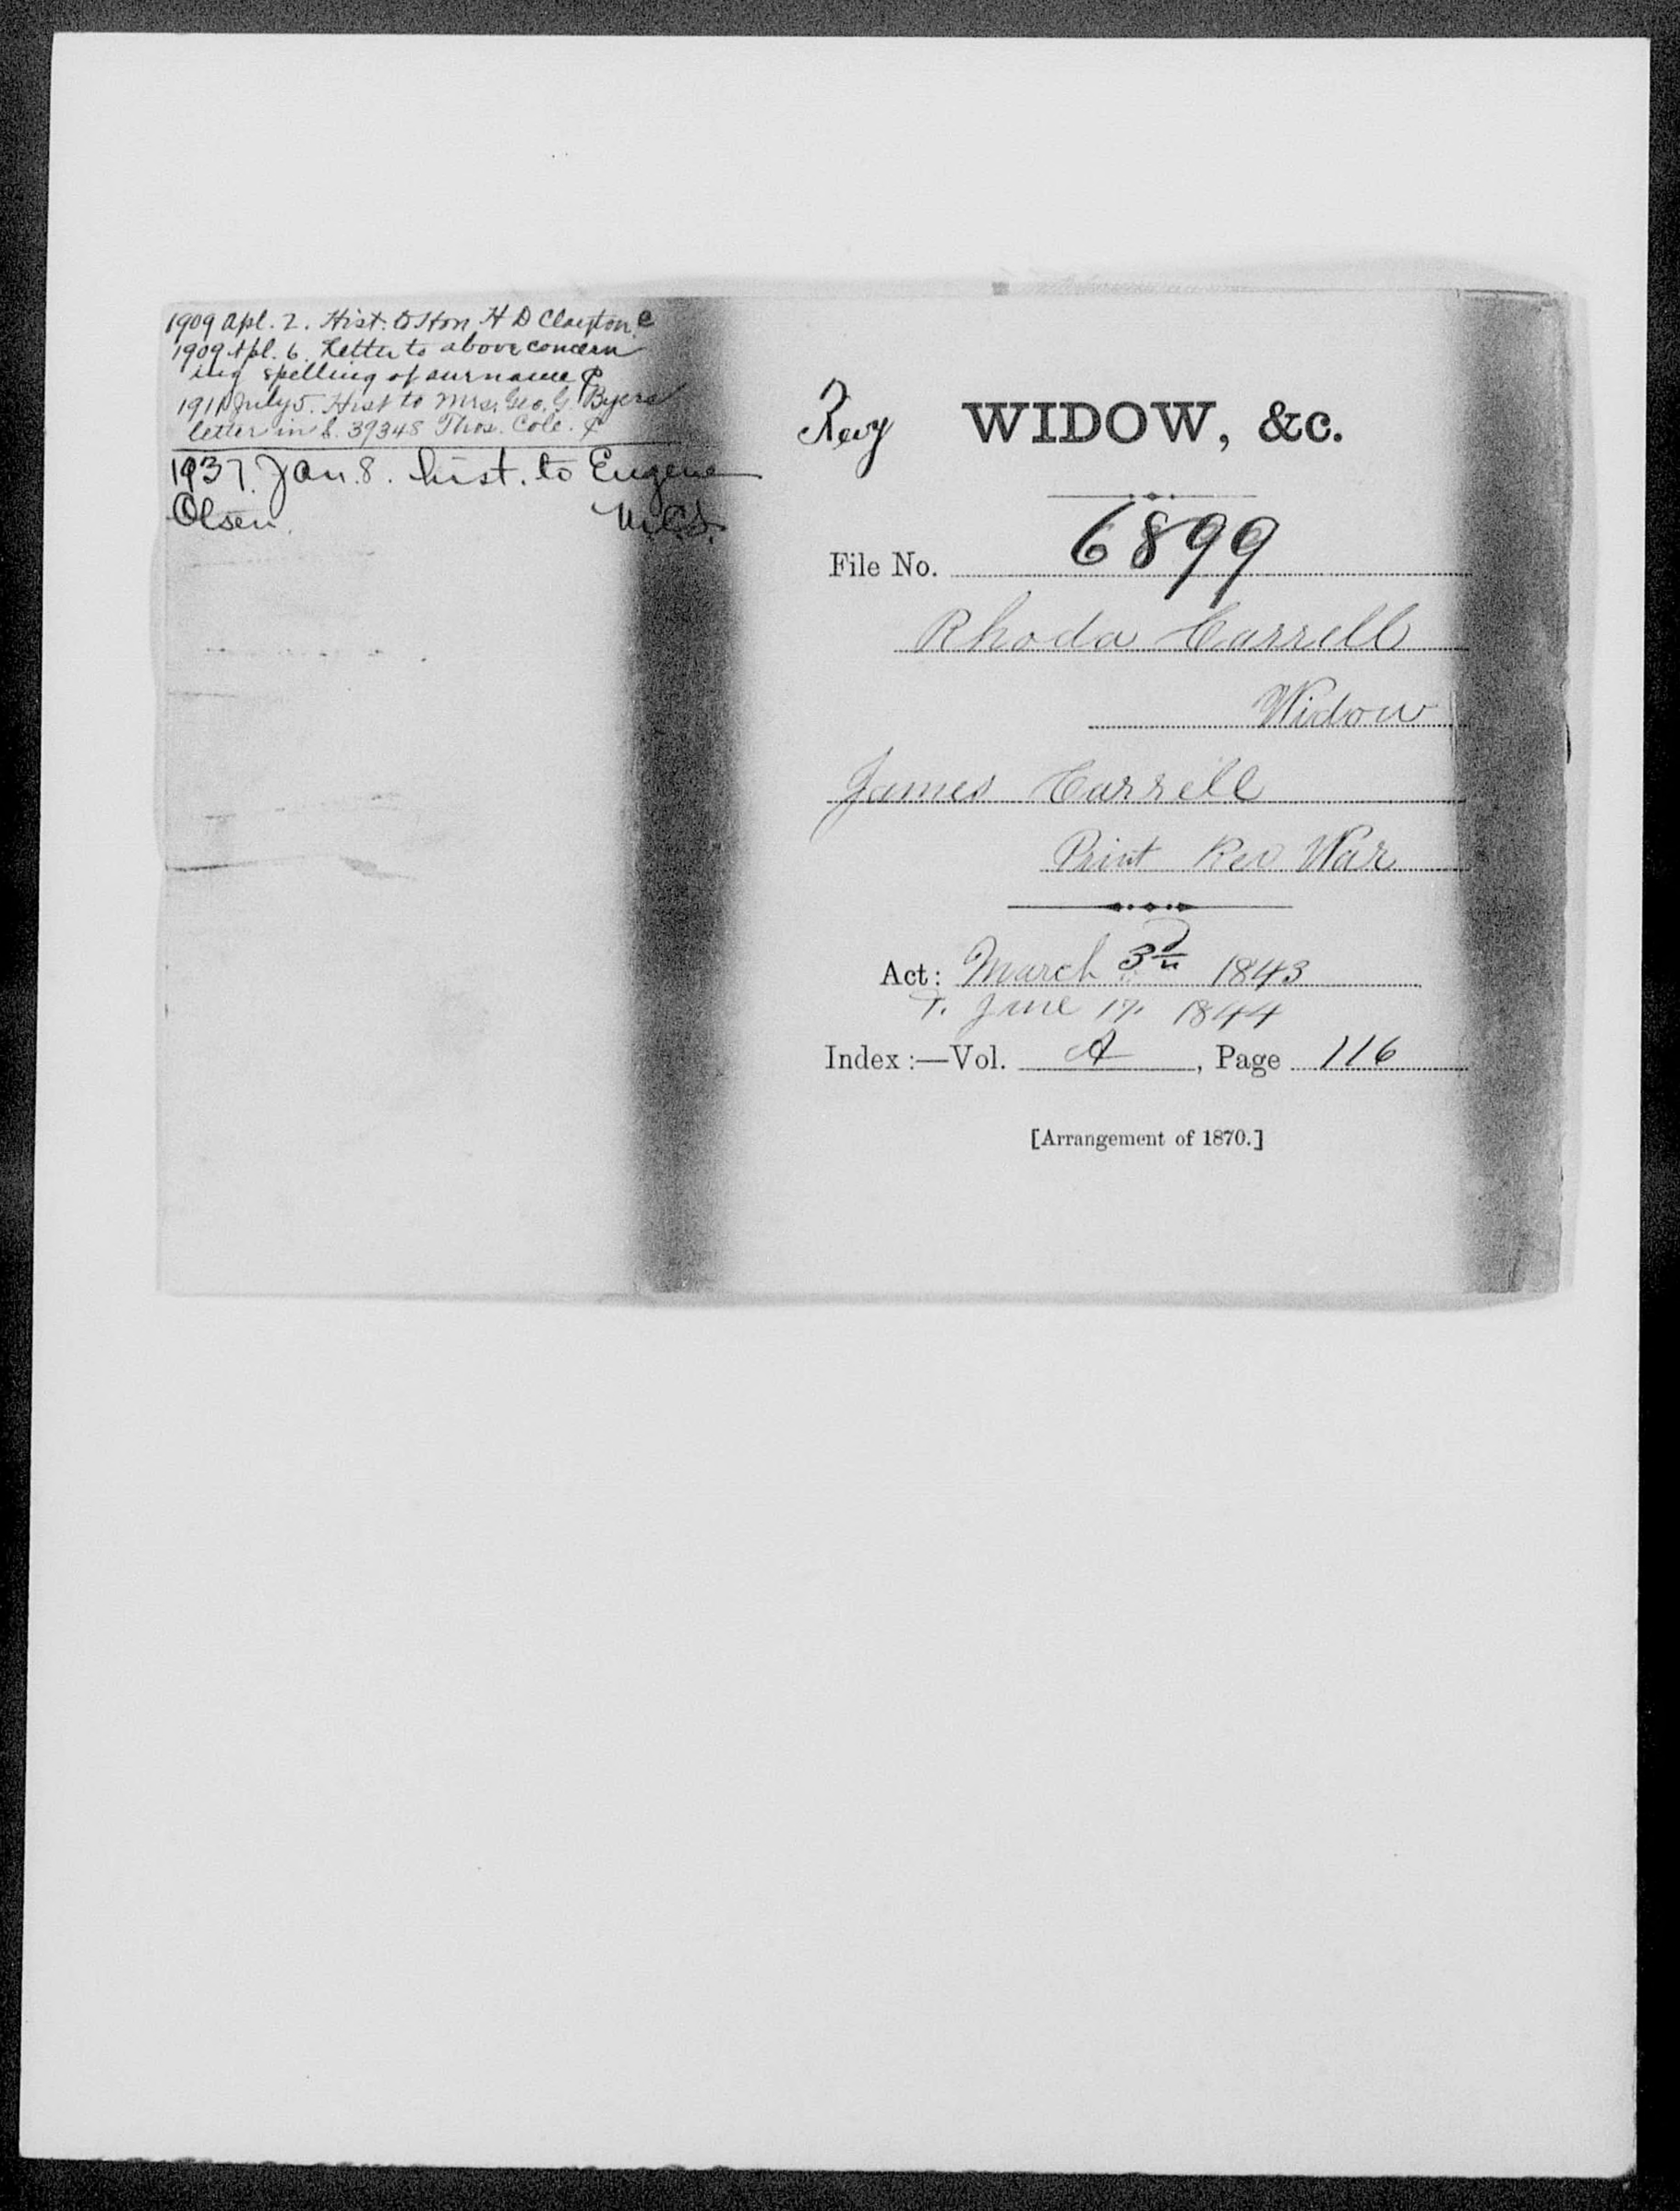[left side of page]
1909 Apl 2. Hist to HOn D D Clayton 
1909 Apl 6. Letter to above concern reg spelling of surname
1910 July 5. Hist to Mrs. Geo. G. Byers
letter in S.39348 Thos Col
1937 Jan 8 hist to Eugene Olsen MCS

[right side of page]

Revy WIDOW, &c.

File No. 6899
Rhoda Carrell
Widow
James Carrell
Privt Rev War

Act March 3d 1843 and 
June 17, 1844

Index:- Vol A, Page 116

[Arrangement of 1870]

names: Eugene Olsen, James Carrell, Geo G Byer, H D Clayton, Rhoda Carrell, Thos Cole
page: 86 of 86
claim: widow's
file: W. 6899, James Carrell, N.C.